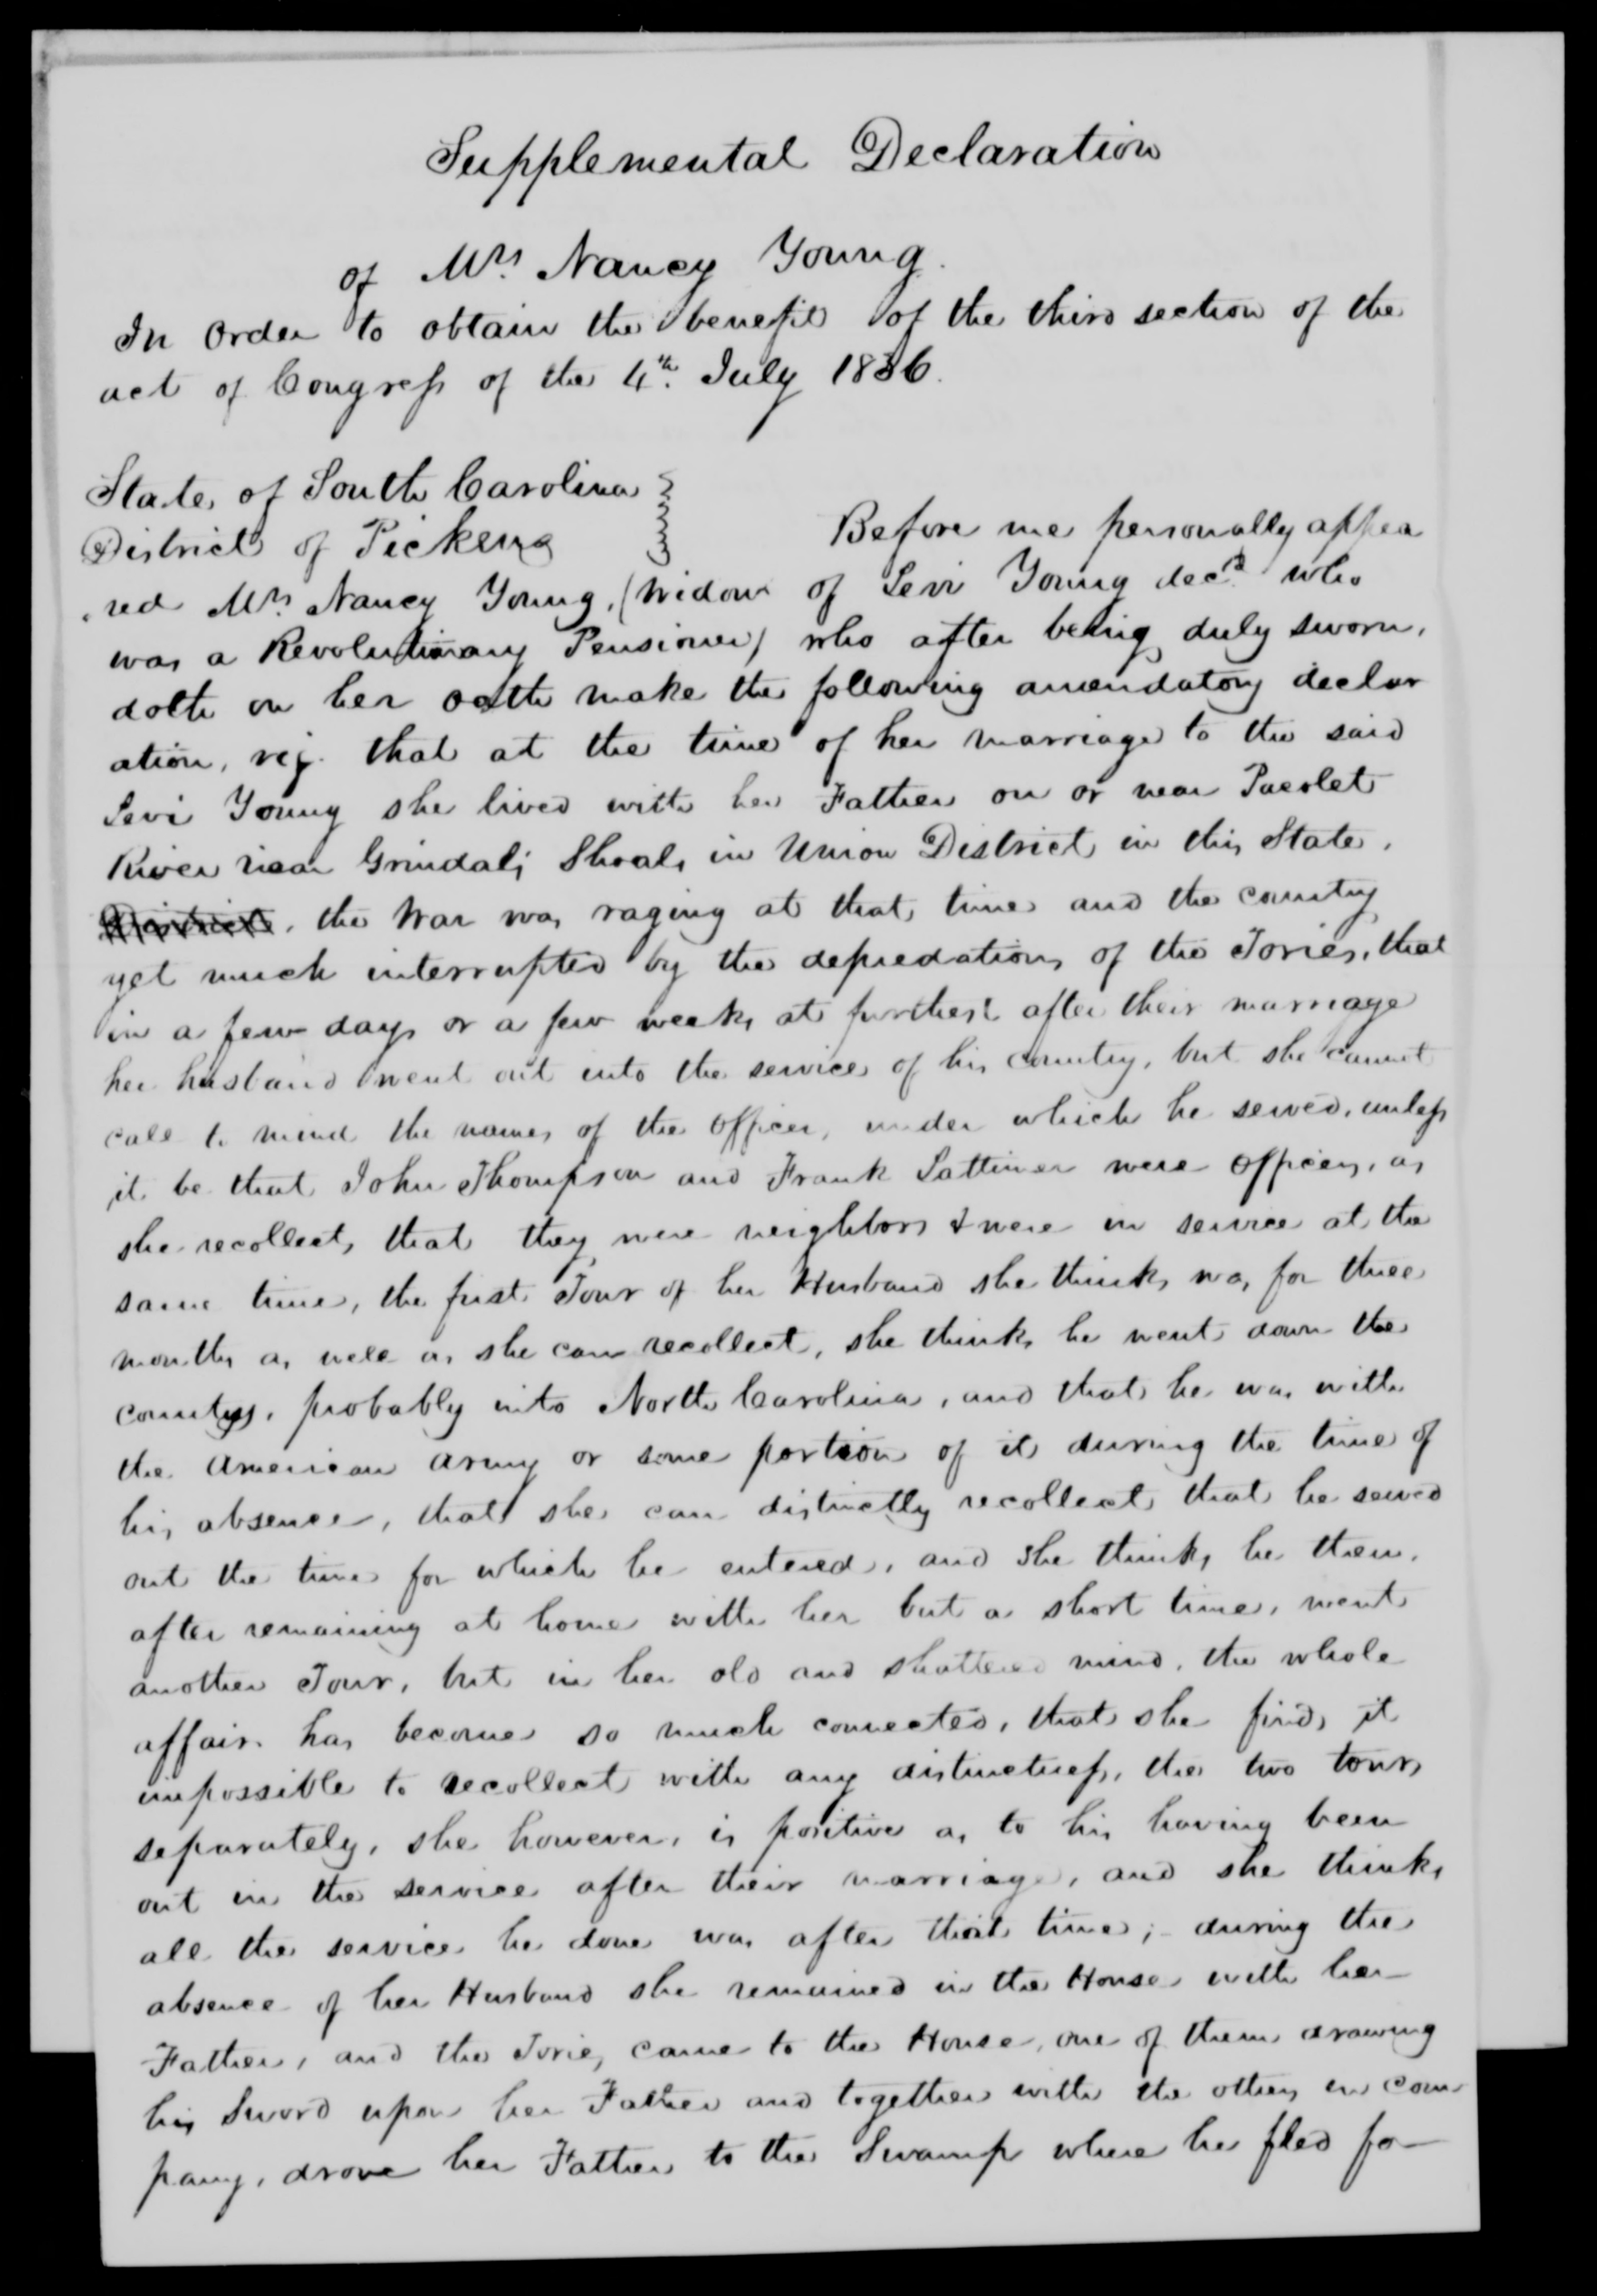Supplemental Declaration
of Mrs. Nancy Young.
In order to obtain the benefit of the third section of the
act of Congress of the 4th July 1836.

State of South Carolina {
District of Pickens {  Before me personally appea
red Mrs. Nancy Young, (widow of Levy Young decd (sic deceased) who
was a Revolutionary Pensioner) who after being duly sworn,
doth on her oath make the following mandatory declaration, viz. that at the time of her marriage to the said Levi Young she lived with her Father on or near Pacolet
River near Grindal's Shoals in Union District in this State,
the war was raging at that time and the country
yet much interrupted by the depredations of the Tories, that
in a few days or a few weeks at the furthest after their marriage
her husband went out into the services of his country, but she cannot call to mind the names of the officer, under which he served, unless it be that John Thompson and Frank Lattimer were officers, as
she recollect, that they were neighbors + were in service at the
same time, the first Tour of her Husband she thinks was for three
months as well as she can recollect, she thinks he went down the
county, probably into North Carolina, and that he was with
the American army or some portion of it, during the time of
his absence, that she can distinctly recollect, that he served
out the time for which he entered, and she thinks he then
after remaining at home with her but a short time, went
another Tour, but in her old and shattered mind, the whole
affair has become so much connected, that she finds it
impossible to recollect with any distinctiveness, the two tours 
separately, she however, is positive as to his having been
out in the service after their marriage, and she thinks
all the service he done was after that time; during the 
absence of her Husband she remained in the House with her
Father, and the Tories came to the House, one of them drawing
his Sword upon her Father and together with the others in com-
pany, drove her Father to the Swamp where he fled for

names: Frank Lattimer, John Thompson, Levi Young, Nancy Young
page: 13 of 56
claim: widow's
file: W. 9040, Levi Young, Ga. New Jersey S.C.